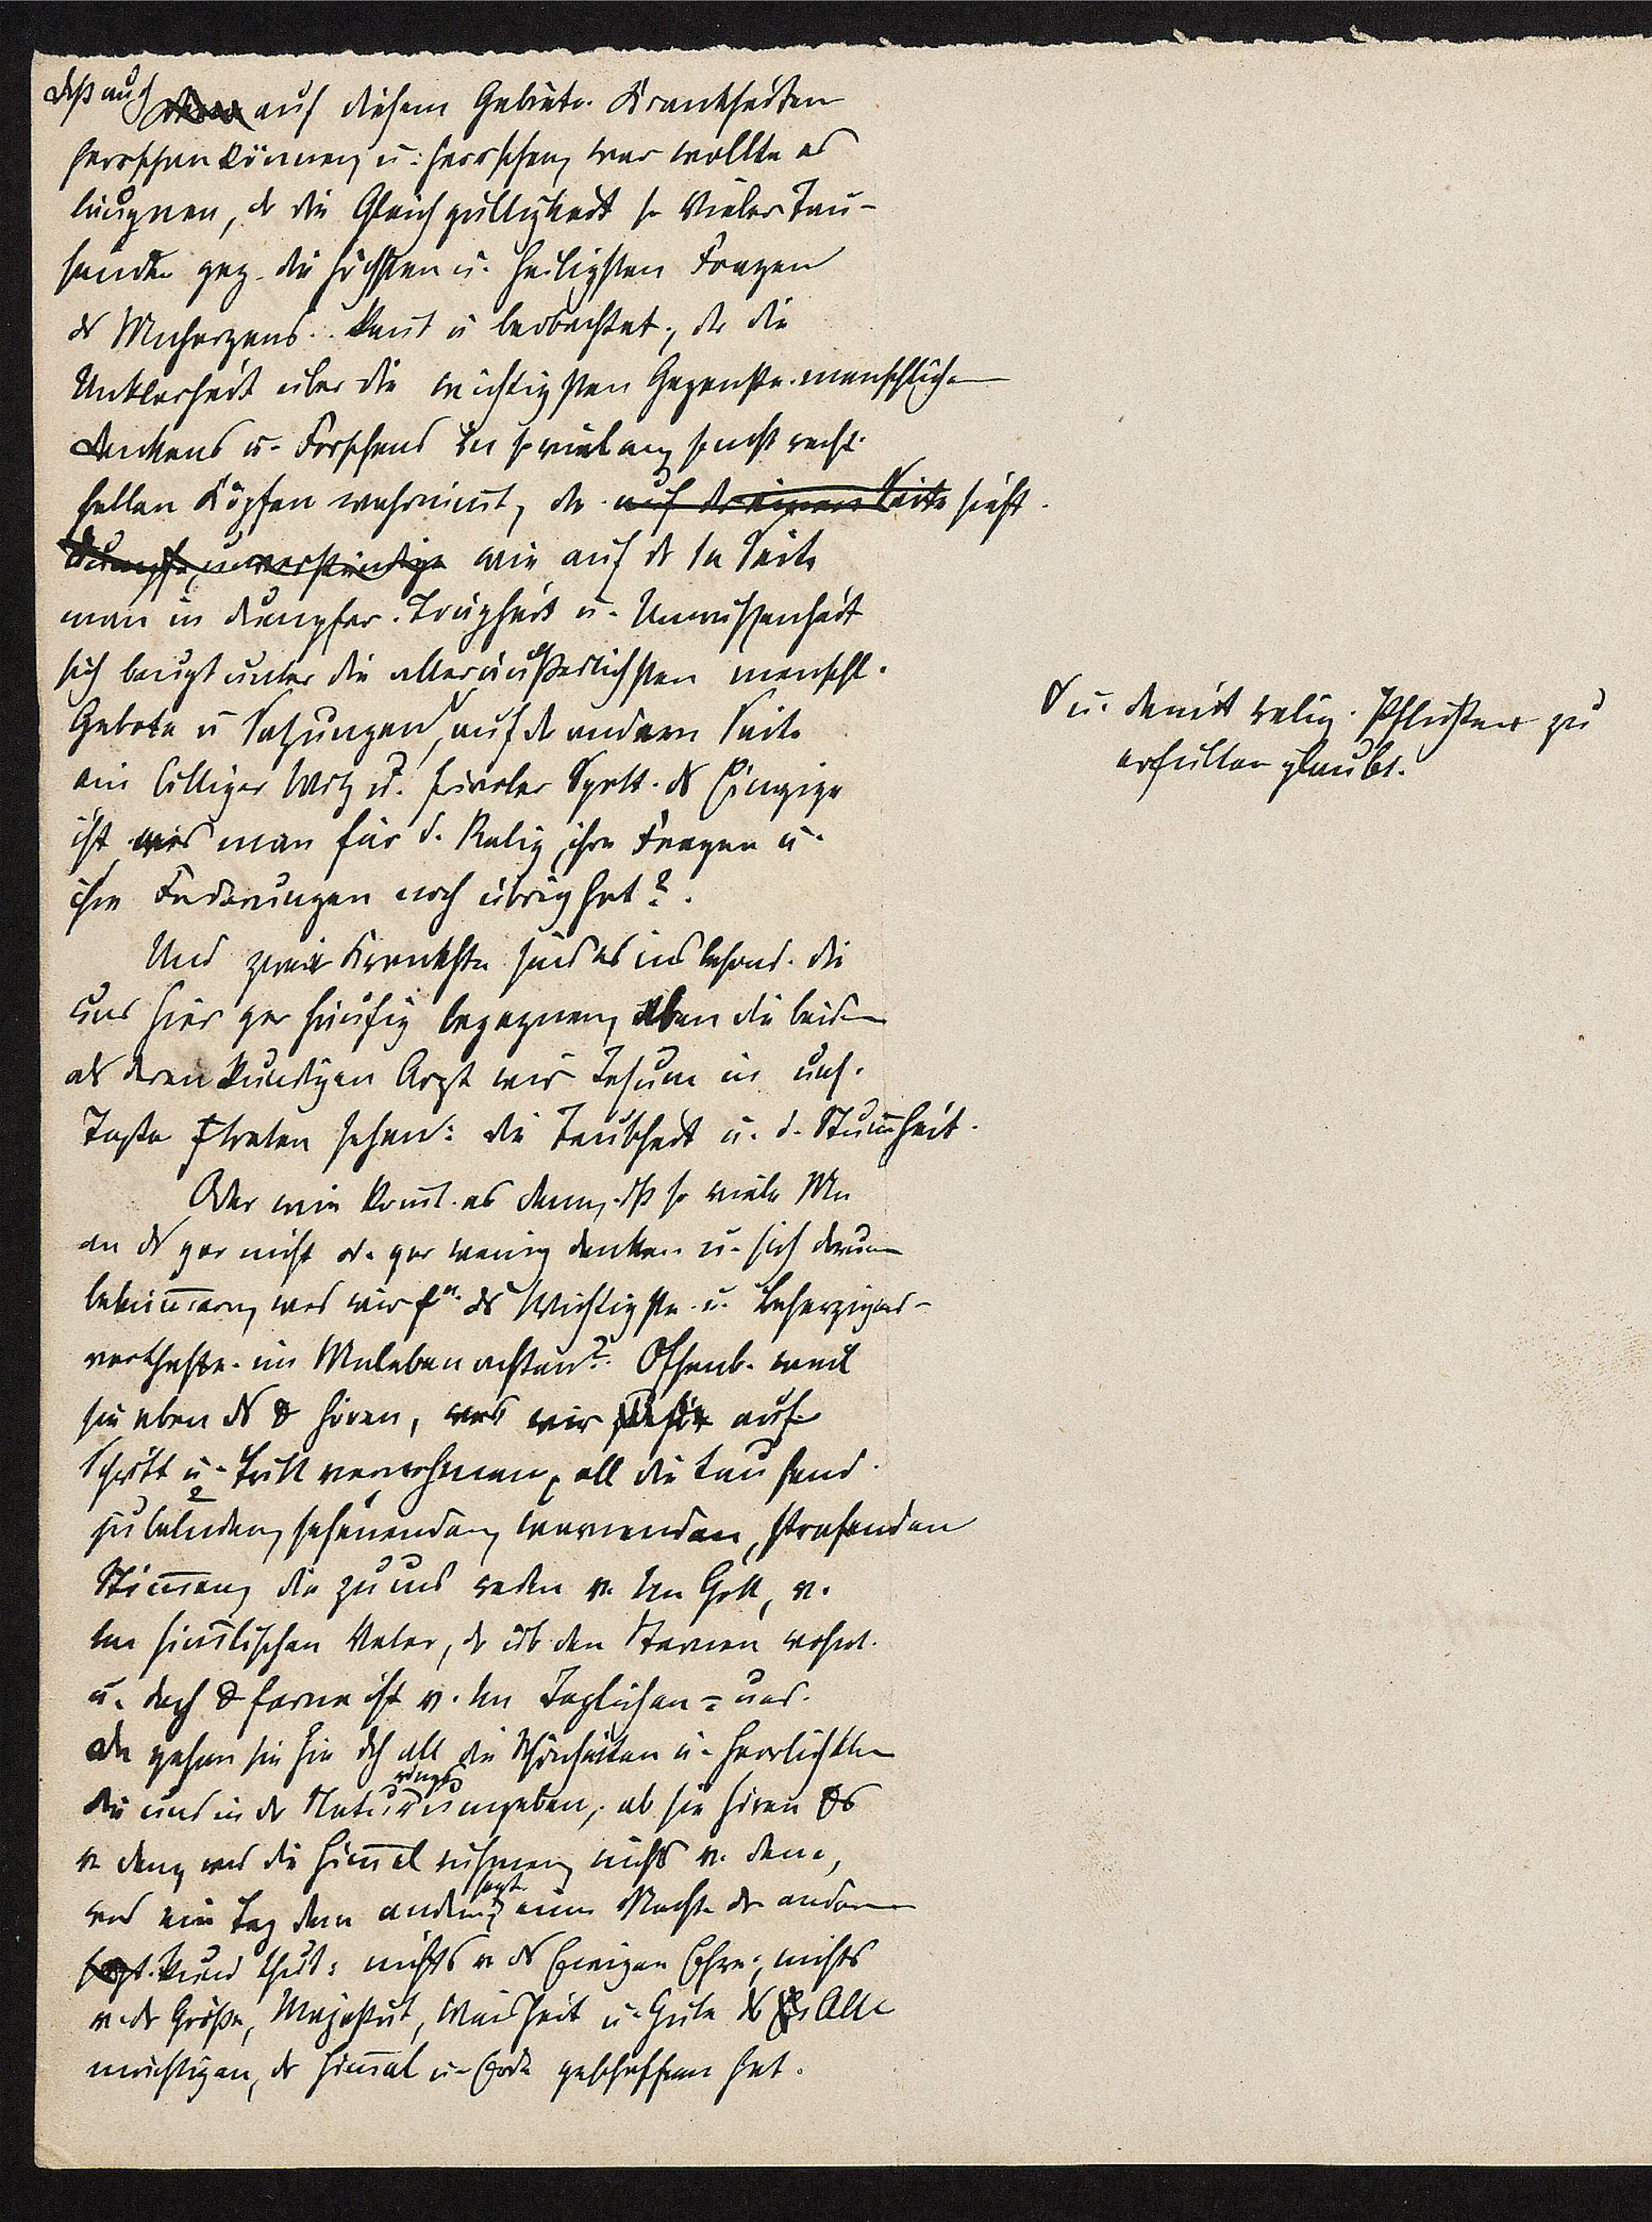daß auch
Denn auf diesem Gebiete. Krankheiten
herrschen können, u. herrschen, wer wollte es
leugnen, da die Gleichgültigkeit so Vieler Tau¬
sende geg. die höchsten u. heiligsten Fragen
ds Mnherzens kent u. beobachtet., der die
Unklarheit über die wichtigsten Gegenste. menschlichen
Dankens u. Forschens zu so vielen, sonst recht
hellen Köpfen wahrnimt, der auf der eigenen Seite sieht.
dumpe, unverständige wie auf dr 1n Seite
man in dumpfer Trägheit u. Unwissenheit
sich beugt unter die alleräußerlichsten menschl.
Gebote u Satzungen V auf der andern Seite
ein billiger Witz u. frivoler Spott ds Einzige
ist, was man für d. Relig, ihre Fragen u.
ihre Forderungen noch übrighat!"
Und zwei Krankhtn sind es insbesond. die
uns hier gar häufig begegnen, eben die beiden
als deren kundigen Arzt wir Jesum in uns.
Texte ftreten sehen: die Taubheit u. d. Stumheit.
Oder wie kommt es denn, daß so viele Mn
an das gar nicht od. gar wenig denken u. sich darum
bekümern, was wir fü ds Wichtigste u. Beherzigens¬
wertheste im Mnleben achten? Offenb. weil
sie eben ds o hören, was wir zu hö auf
Schrift u. Tritt vernhmen, all die tausend
jubelnden, sehenden, warnenden, strafenden
Stimen, die zu uns reden v. 1m Gott, v.
1m himlischen Vater, dr ün den Sternen wohnt.
u doch o ferne ferne ist v. 1m Jeglichen- uns.
Da gehen sie hin dch all die Schönheiten u. Herrlichtktn
rings
die uns in der Natur umgeben, ab sie hören os
v. dem, was die Himel rühren, nichts v dem,
sagt
was ein Tag dem andern; eine Nacht dr andern
sagt kund thut: nichts v. ds Ewigen Ehre, nichts
v. dr. Größe, Majestät, Weisheist u. Güte ds. Er All¬
mächtigen, dr Himmel u. Erde gescheffnen hat.
V u. damit relig. Pflichten zu
erfüllen glaubt.